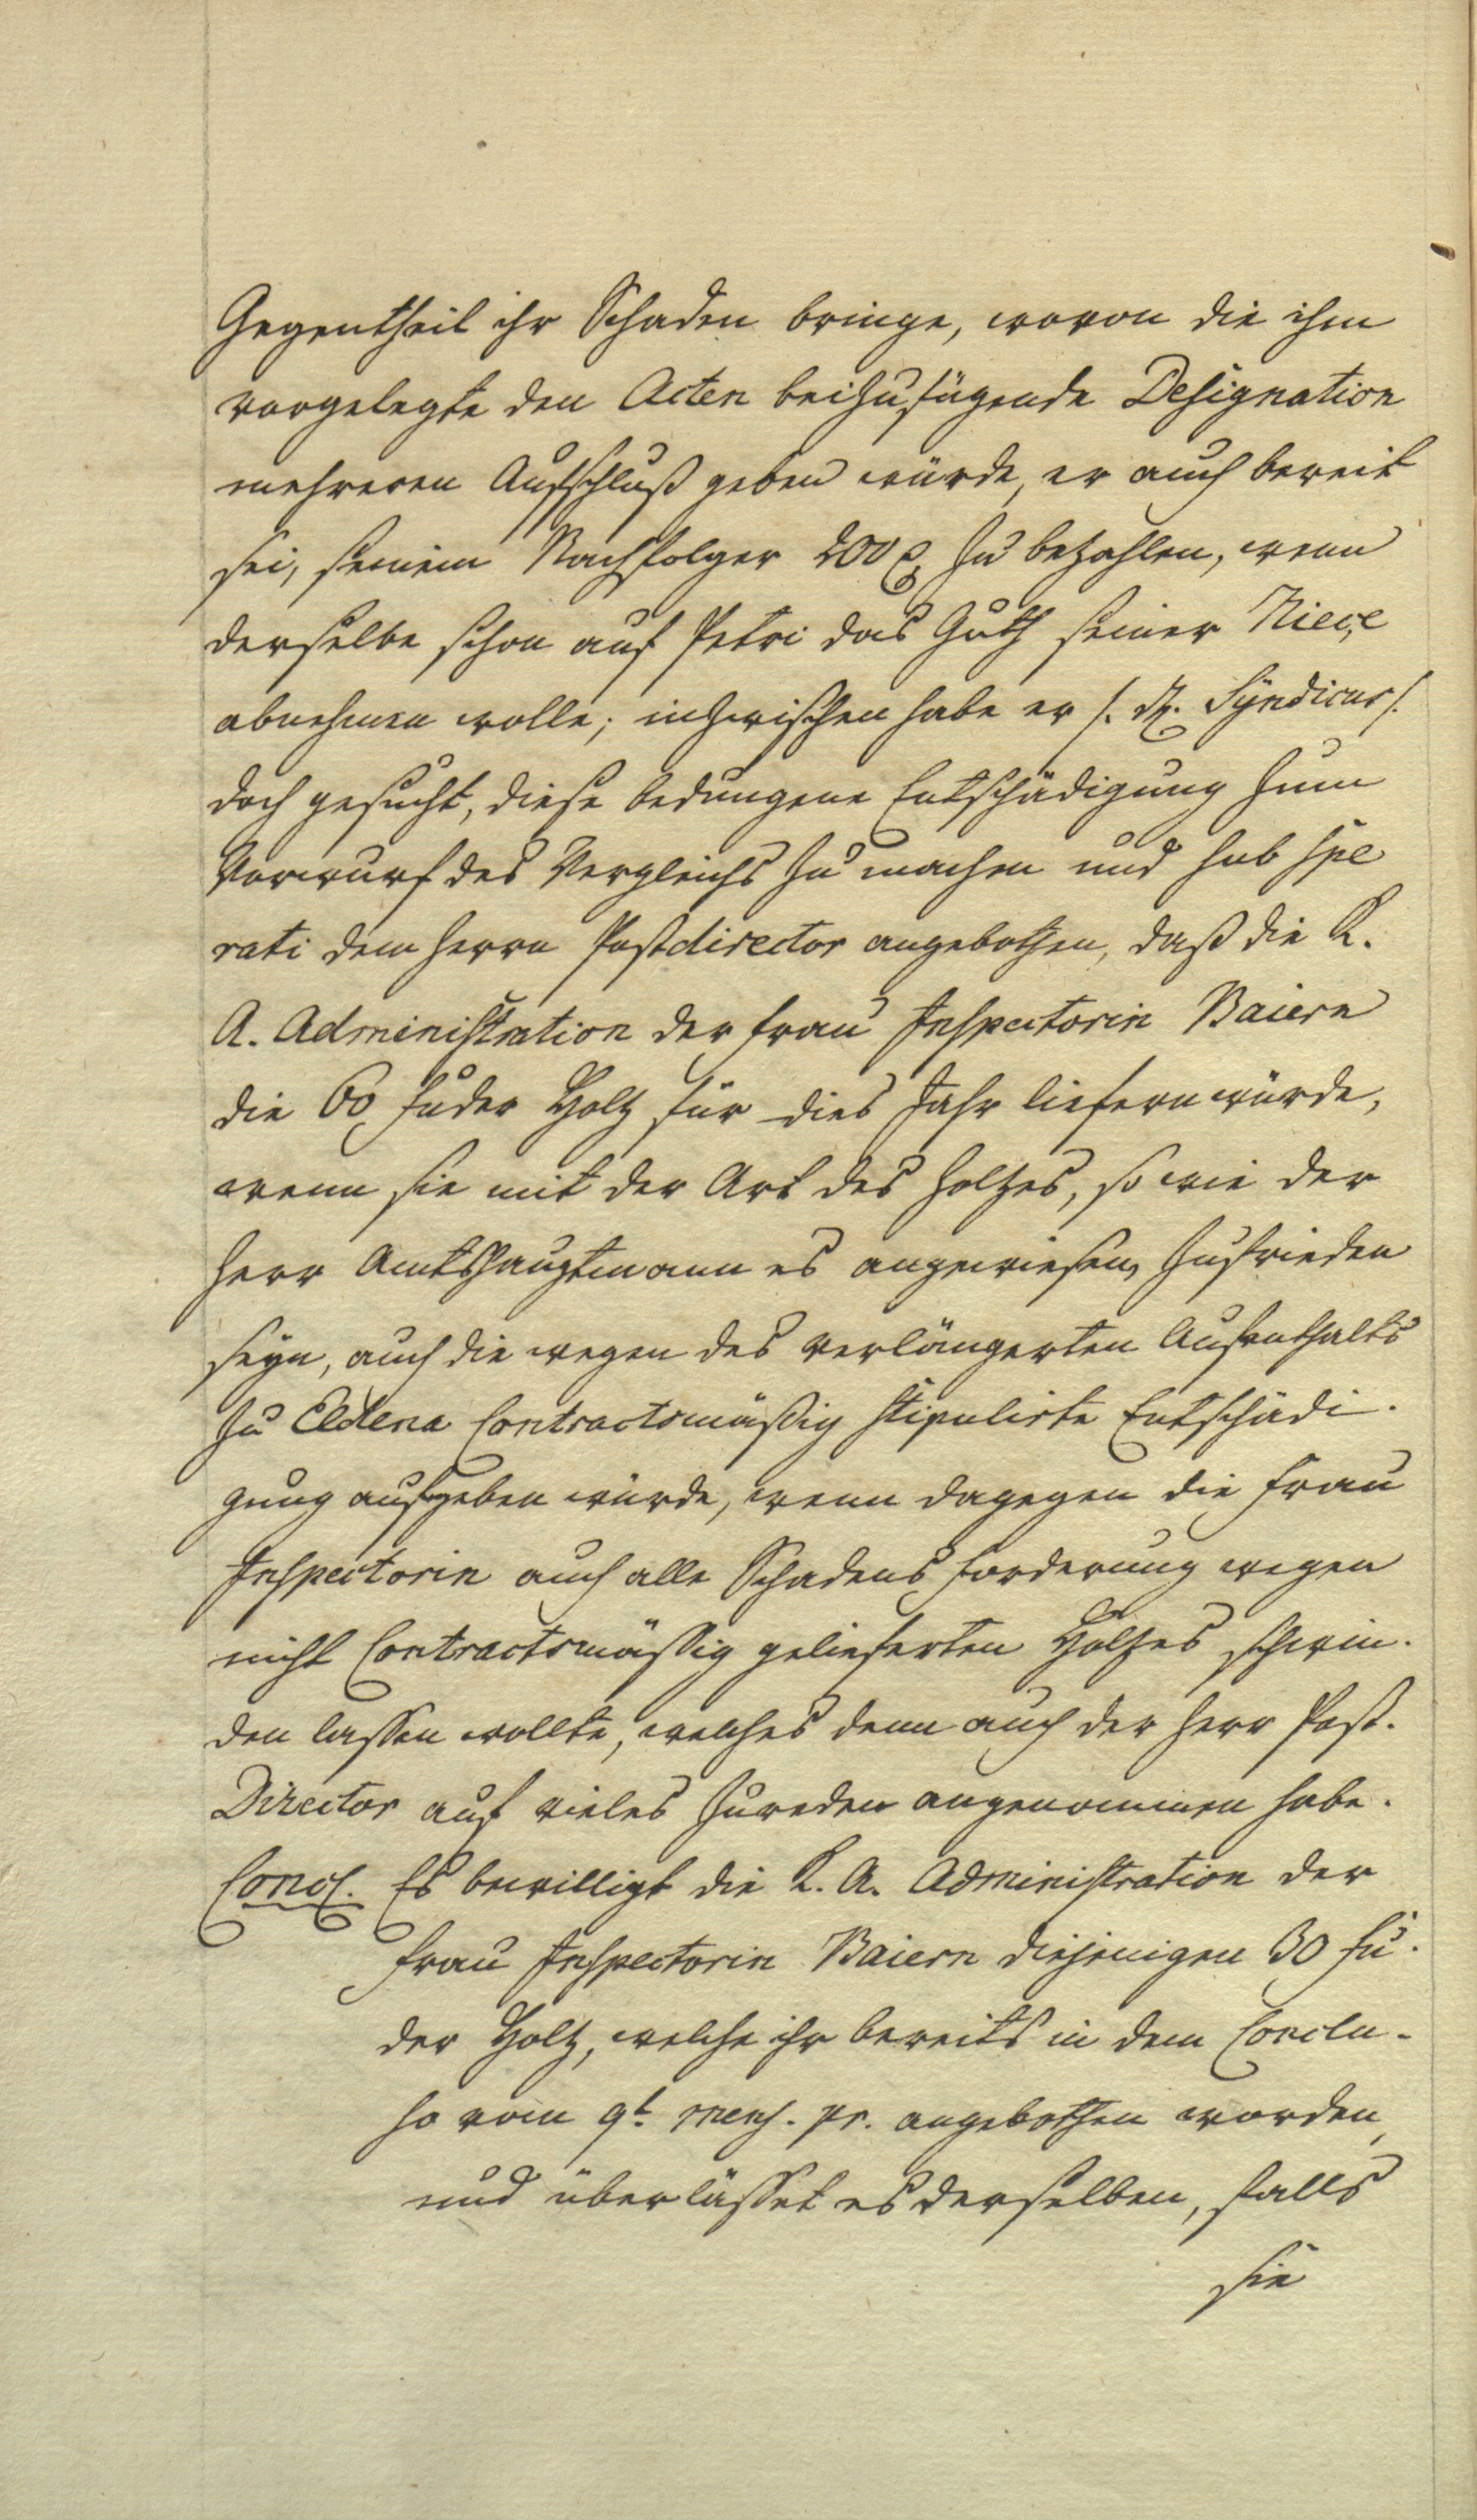Gegentheil ihr Schaden bringe, wovon die ihm
vorgelegte den Acten beizufügende Designation
mehreren Aufschluß geben würde, er auch bereit
sei, seinem Nachfolger 200 l. zu bezahlen, wenn
derselbe schon auf Petri das Guth seiner Niece
abnehmen woll,; inzwischen habe er /.dh. Sÿndicus/.
doch gesucht, diese bedungene Entschädigung zum
Vorwurf des Vergleichs zu machen und sub spe
rati dem Herrn Postdirector angebothen, daß die K.
A. Administration der Frau Inspectorin Baiern
die 60 Fuder Holz für dies Jahr liefern würde,
wenn sie mit der Art des Holzes, so wie der
Herr Amtshauptmann es angewiesen, zufrieden
seÿn, auch die wegen des verlängerten Aufenthalts
zu Eldena Contractsmäßig stipulirte Entschädi¬
gung aufgeben würde, wenn dagegen die Frau
Inspectorin auch alle Schadens Forderung wegen
nicht Contractsmäßig gelieferten Holzes schwin¬
den lassen wollte, welches denn auch der Herr Post¬
Director auf vieles Zureden angenommen habe.
Concl. Es bewilligt die K. A. Administration der
Frau Inspectorin Baiern diejenigen 30 Fu¬
der Holz, welche ihr bereits in dem Conclu¬
so vom 9 t mens. pr. angebothen worden,
und überlässet es derselben, falls
sie